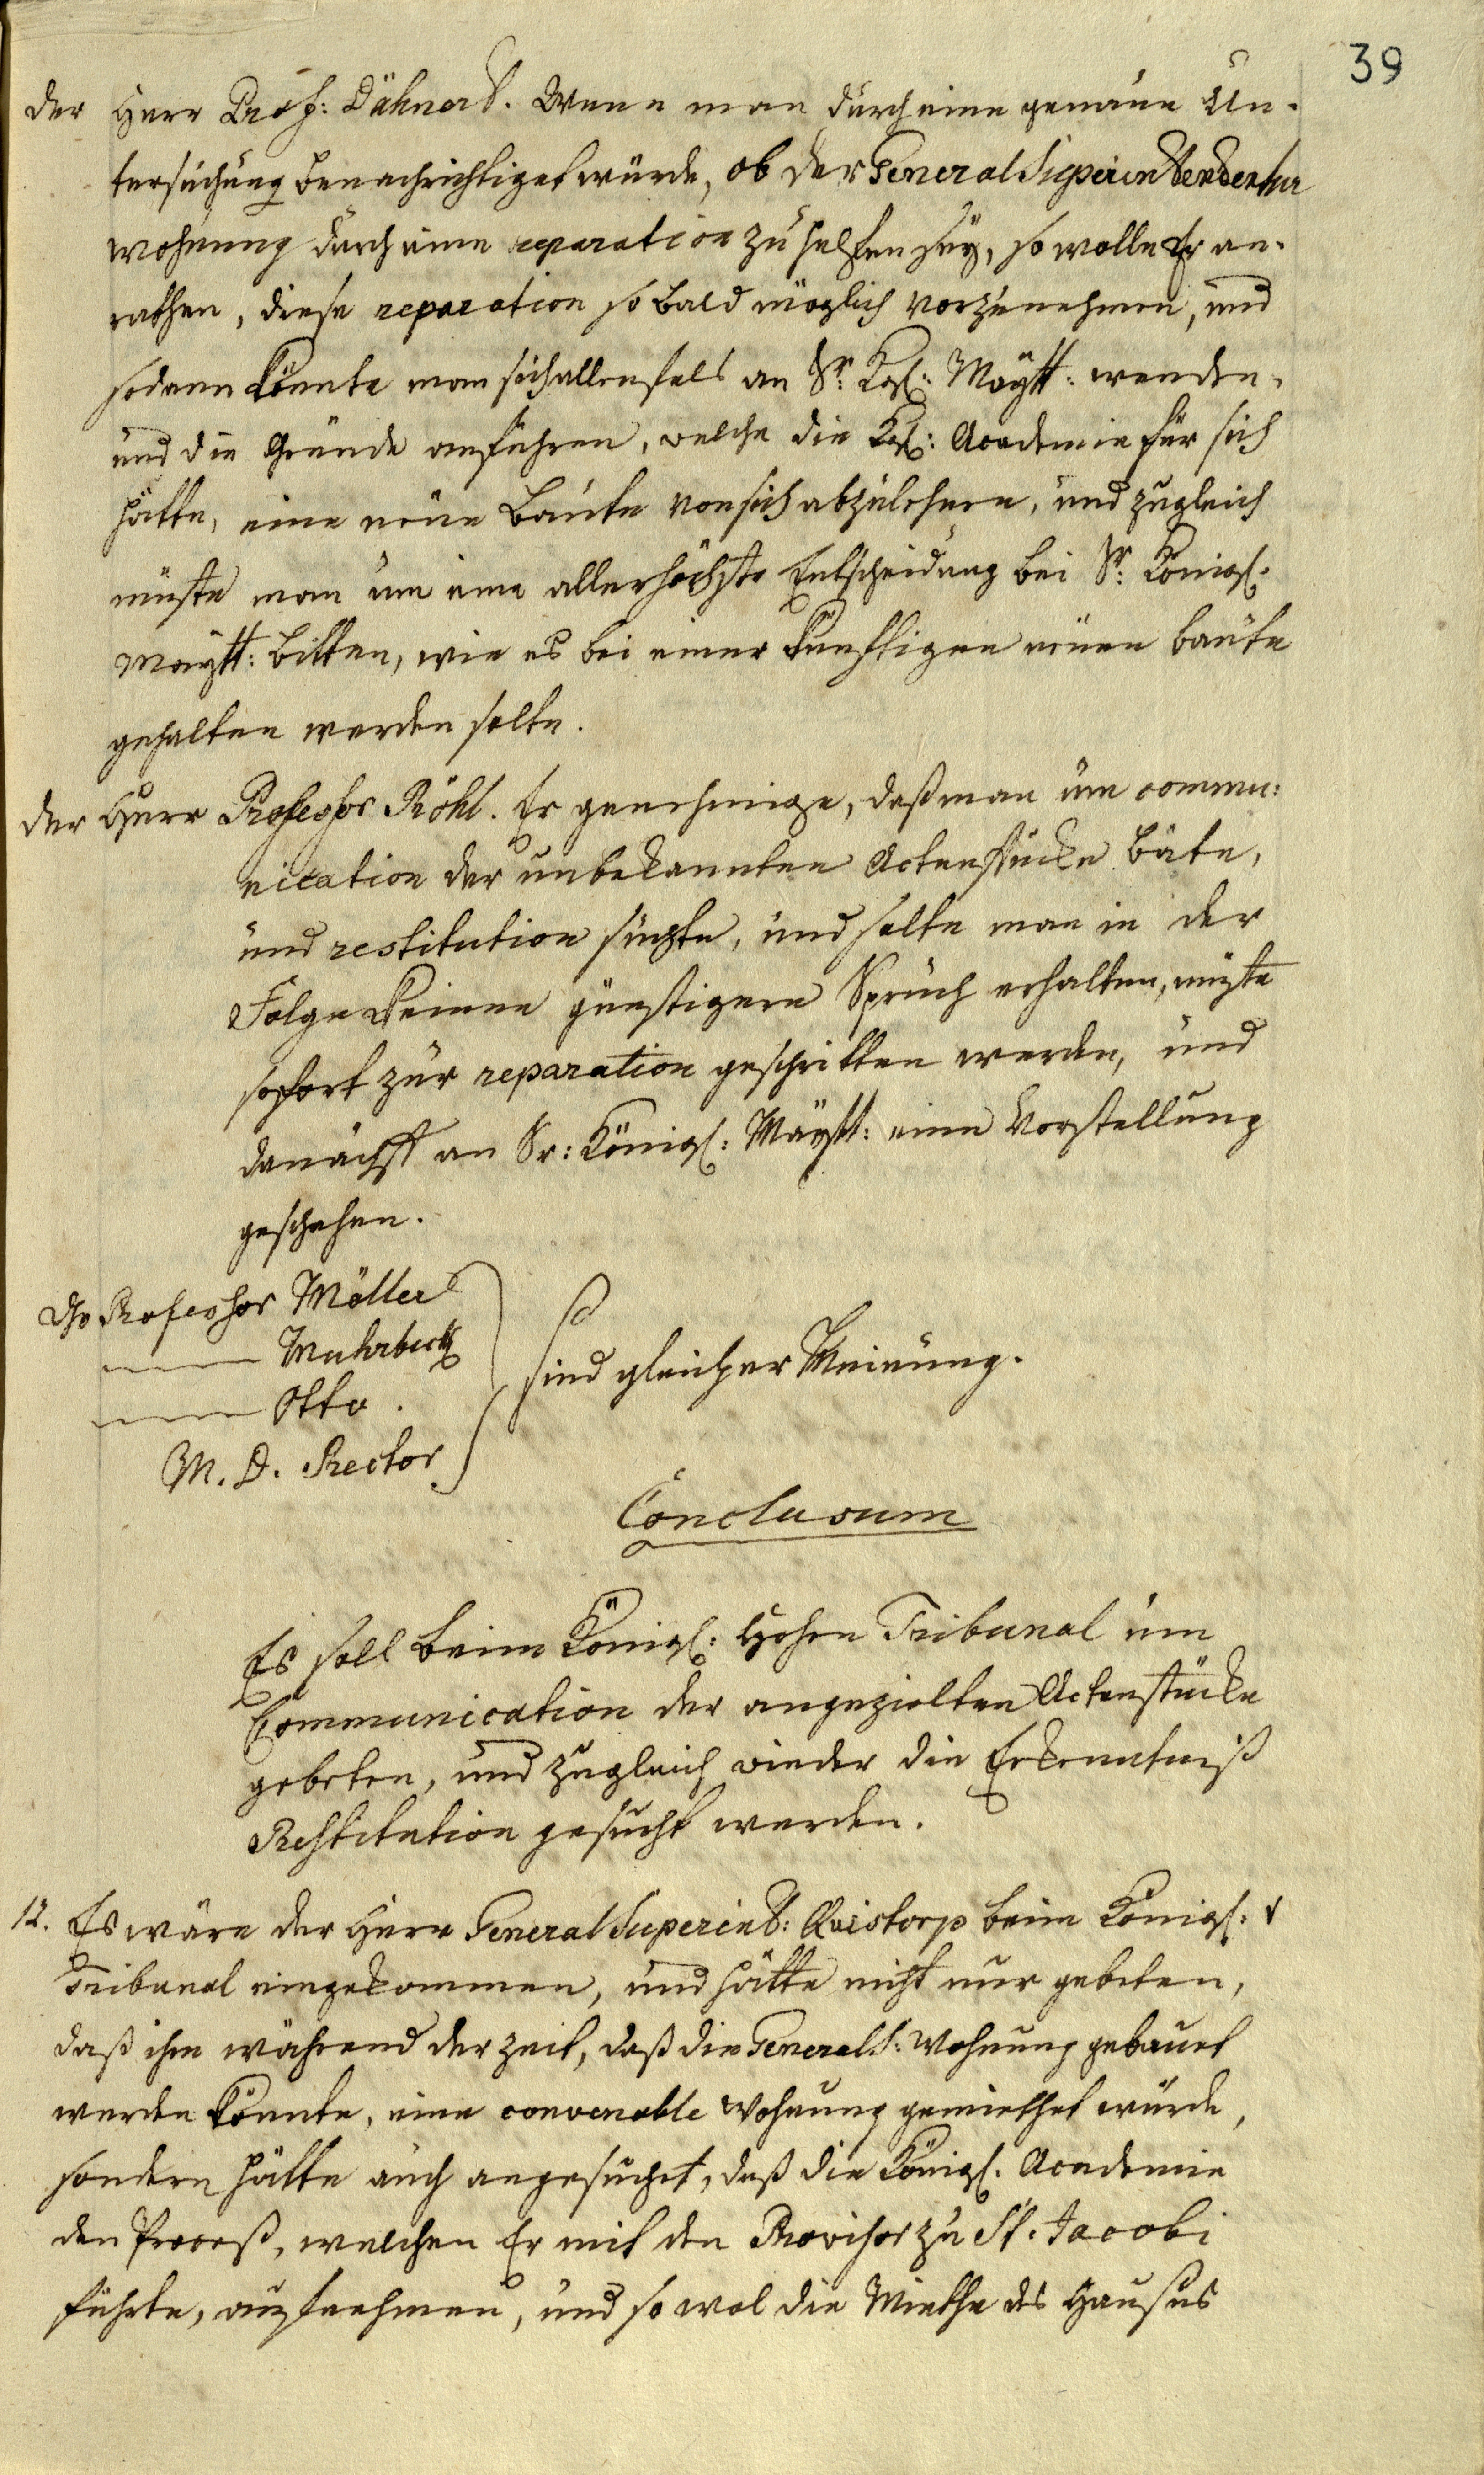der Herr Prof. Dähnert. Wenn man durch eine genaue Un¬
tersuchung benachrichtiget würde, ob der GeneralSuperintendentur
Wohnung durch eine reparation zu helfen seÿ, so wolle Er an¬
rathen, diese reparation so bald möglich vorzunehmen, und
sodann könnte man sich allenfals an Sr. Kgl. Maÿtt. wenden,
und die Gründe anführen, welche die Kgl. Academie für sich
hätte, eine neue Baute von sich abzulehnen, und zugleich
müste man um eine allerhöchste Entscheidung bei Sr. Königl.
Maÿtt. bitten, wie es bei einer künftigen neuen Baute
gehalten werden solte.
der Herr Professor Röhl. Er genehmige, daß man um commu¬
nication der unbekannten Actenstücke bäte,
und restitution suchte, und solte man in der
Folge keinen günstigern Spruch erhalten, müste
sofort zur reparation geschritten werden, und
danächst an Sr Königl. Maÿtt. eine Vorstellung
geschehen.
dh Professor Möller
Muhrbeck
sind gleicher Meinung.
Otto.
M. D. Rector
Conclusum
Es soll beim Königl. Hohen Tribunal um
Communication der angezielten Actenstücke
gebeten, und zugleich wieder die Erkenntniß
Restitution gesucht werden.
12. Es wäre der Herr GeneralSuperint. Quistorp beim Königl.
Tribunal aingekommen, und hätte nicht nur gebeten,
daß ihm während der Zeit, daß die GeneralS. Wohnung gebauet
werden könnte, eine convenable Wohnung gemiethet würde,
sondern hätte auch angesuchet, daß die Königl. Academie
den Proceß, welchen Er mit dem Provisor zu St. Jacobi
führte, aufnehmen, und so wol die Miethe des Hauses